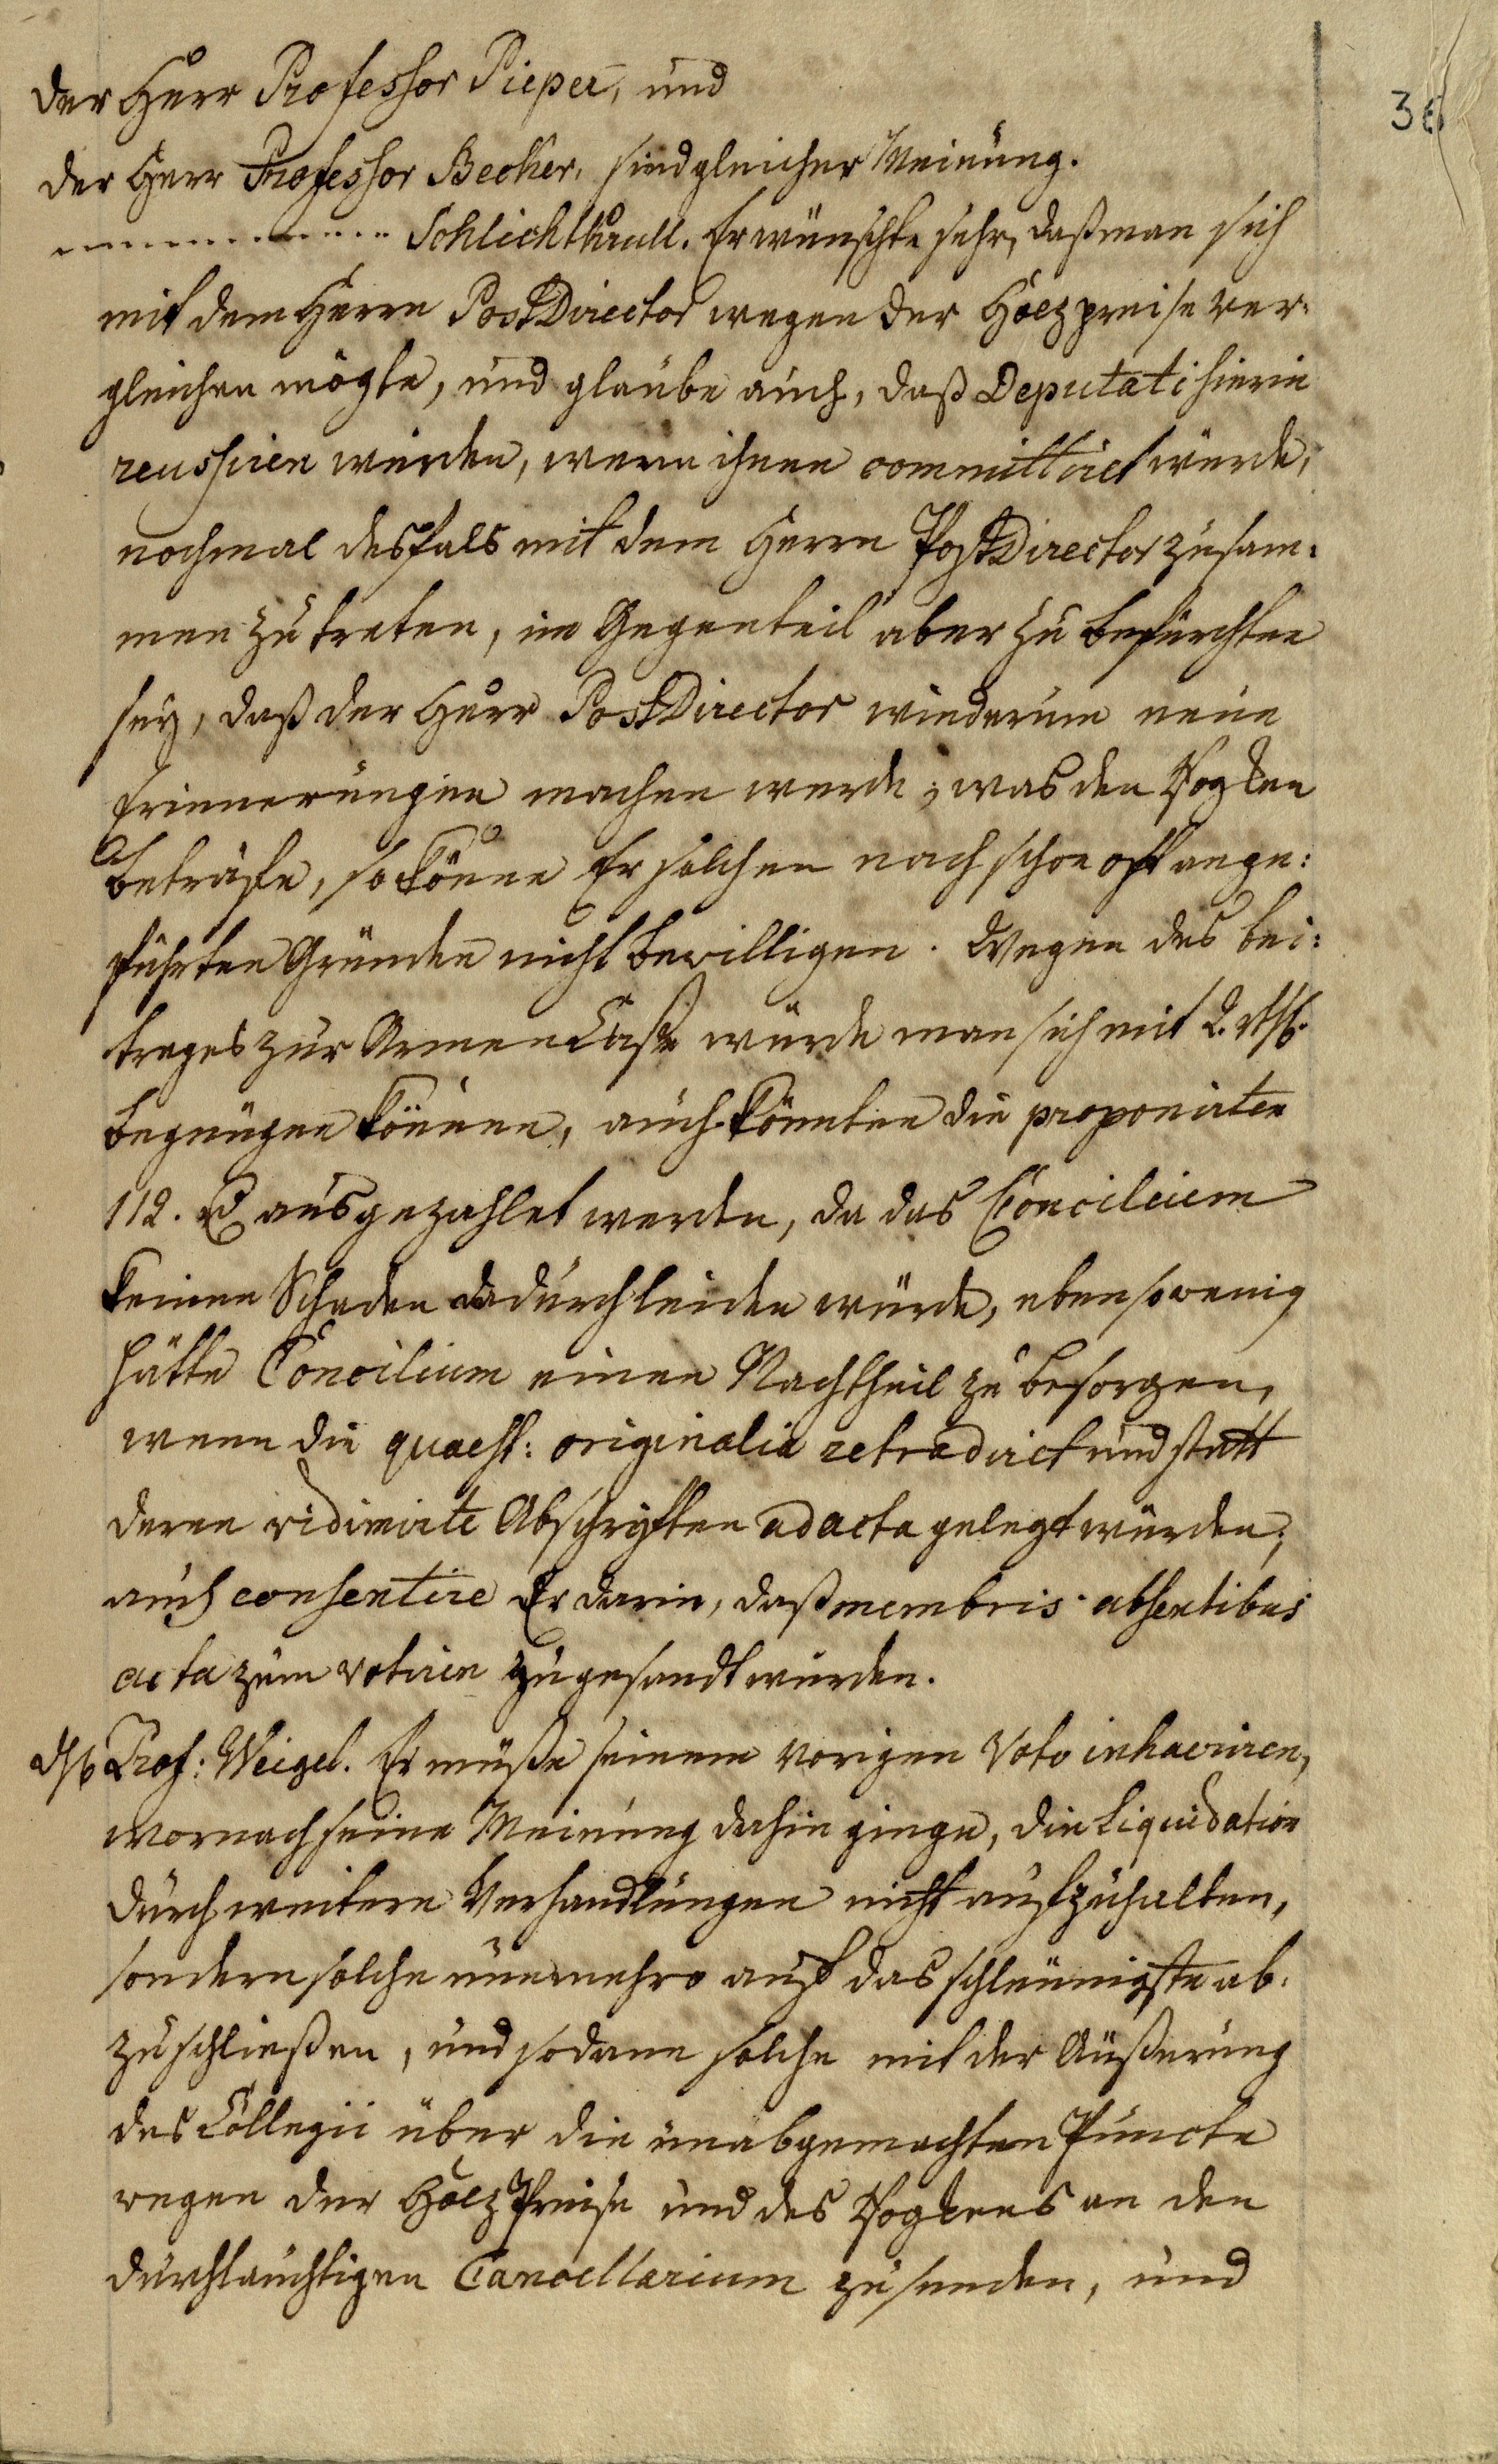Der Herr Professor Pieper, und
der Herr Professor Becker. sind gleicher Meinung.
Schlichtkrull. Er wünschte sehr, daß man sich
mit dem Herrn Postdirector wegen der Holzpreise ver¬
gleichen mögte, und glaube auch, daß Deputati hierin
reussiren werden, wenn ihnen committiret würde,
nochmal desfals mit dem Herrn Postdirector zusam¬
men zu treten, im Gegenteil aber zu befürchten
seÿ, daß der Herr PostDirector wiederum neue
Erinnerungen machen werde; was den Rogken
beträfe, so könne Er solchen nach schon oft ange¬
führten Gründen nicht bewilligen. Wegen des Bei¬
trages zur Armenkaße würde man sich mit 2 rtl.
begnügen können, auch könnten die proponirten
112. r ausgezahlet werden, da das Concilium
keinen Schaden dadurch leiden würde, eben sowenig
hätte Concilium einen Nachtheil zu besorgen,
wenn die quaest. originalia retradiret und statt
deren vidimirte Abschriften ad acta gelegt würden,
auch consentire Er darin, daß membris absentibus
acta zum votiren zugesandt würden.
dh Prof. Weigel. Er müße seinem vorigen Voto inhaeriren,
wornach seine Meinung dahin ginge, die Liquidation
durch weitere Verhandlungen nicht aufzuhalten,
sondern solche nunmehro auf das schleunigste ab¬
zuschließen, und sodann solche mit der Äußerung
des Collegii über die unabgemachten Puncte
wegen der HolzPreise und des Rogkens an den
durchlauchtigen Cancellarium zusenden, und